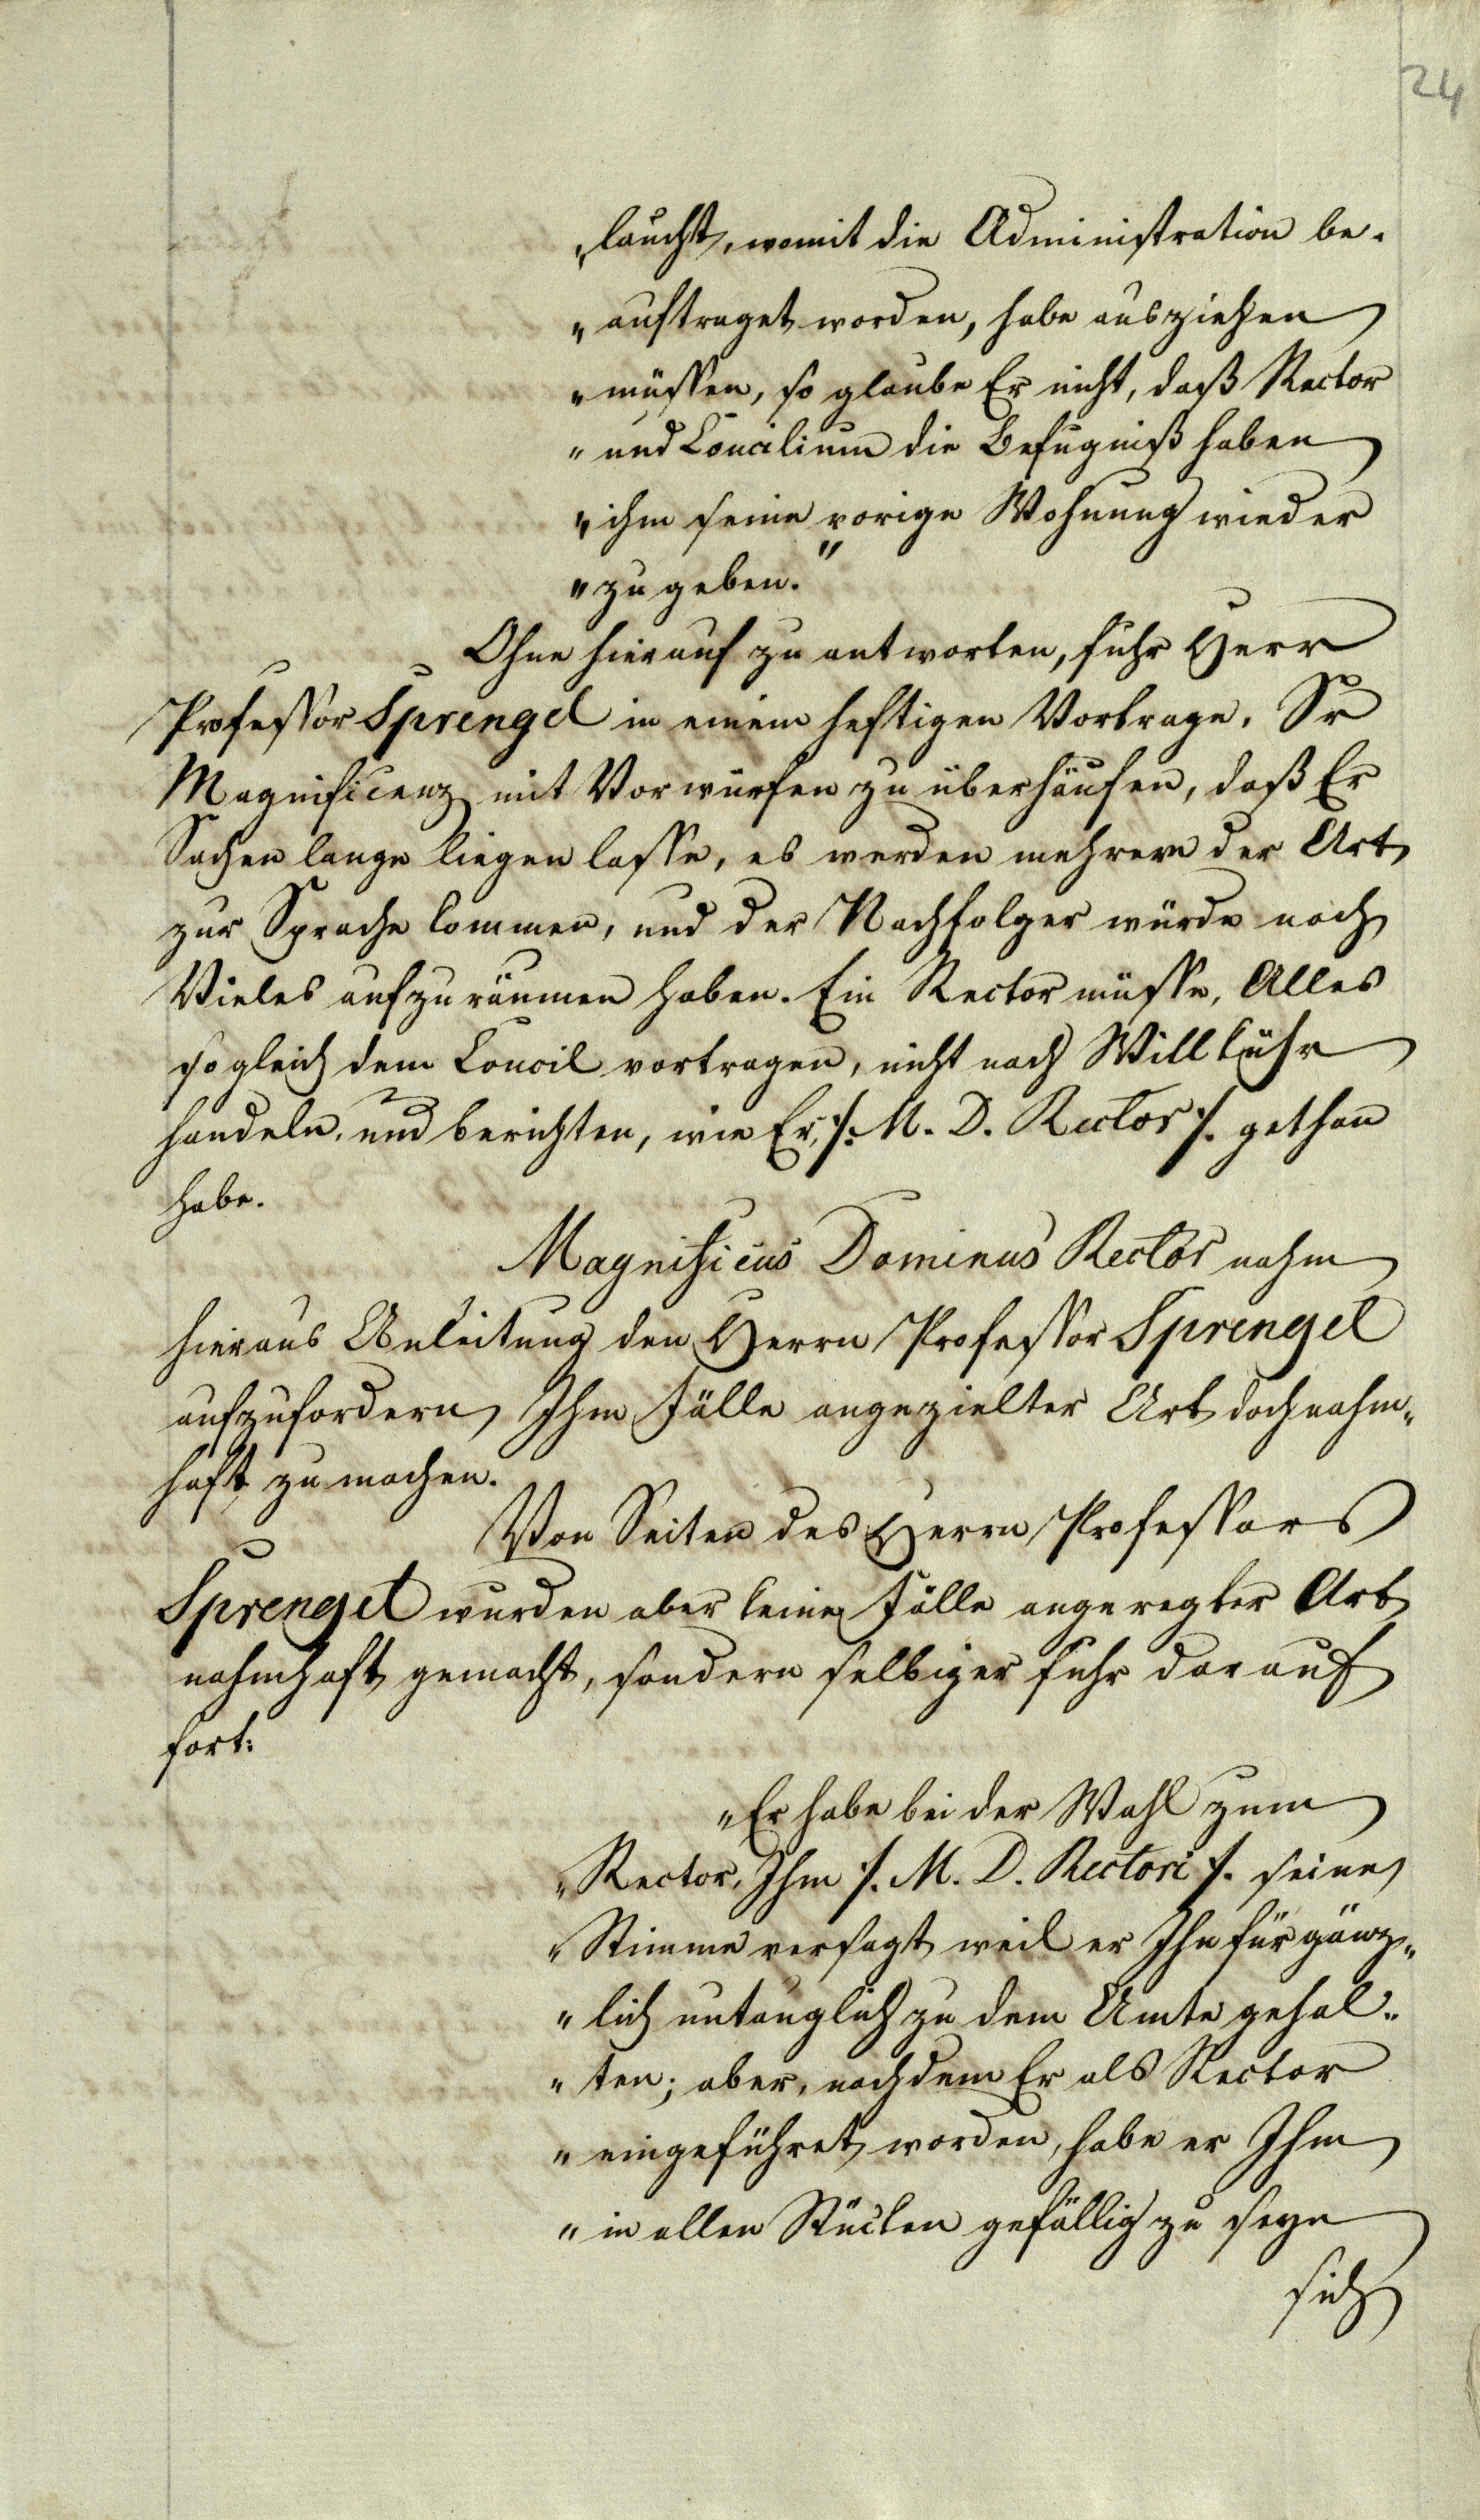"laucht, womit die Administration be¬
"auftraget worden, habe ausziehen
"müssen, so glaube Er nicht, daß Rector
"und Concilium die Befugniß haben
"ihm seine vorige Wohnung wieder
"zu geben."
Ohne hierauf zu antworten, fuhr Herr
Professor Sprengel in einem heftigen Vortrage, Sr
Magnificenz mit Vorwürfen zu überhäufen, daß Er
Sachen lange liegen lasse, es werden mehrere der Art
zur Sprache kommen, und der Nachfolger würde noch
Vieles aufzuräumen haben. Ein Rector müsse, Alles
so gleich dem Concil vortragen, nicht nach Willkühr
handeln, und berichten, wie Er /: M. D. Rector /. gethan
habe.
Magnificus Dominus Rector nahm
hieraus Anleitung den Herrn Professor Sprengel
aufzufordern Ihm Fälle angezielter Art doch nahm¬
haft zu machen.
Von Seiten des Herrn Professors
Sprengel wurden aber keine Fälle angeregter Art
nahmhaft gemacht, sondern selbiger fuhr darauf
fort:
"Er habe bei der Wahl zum
"Rector, Ihm /. M. D. Rector /. seine
"Stimme versagt, weil er Ihn für gänz¬
"lich untauglich zu dem Amte gehal¬
"ten; aber, nachdem Er als Rector
"eingeführet worden, habe er Ihm
"in allen Stücken gefällig zu seyn
sich